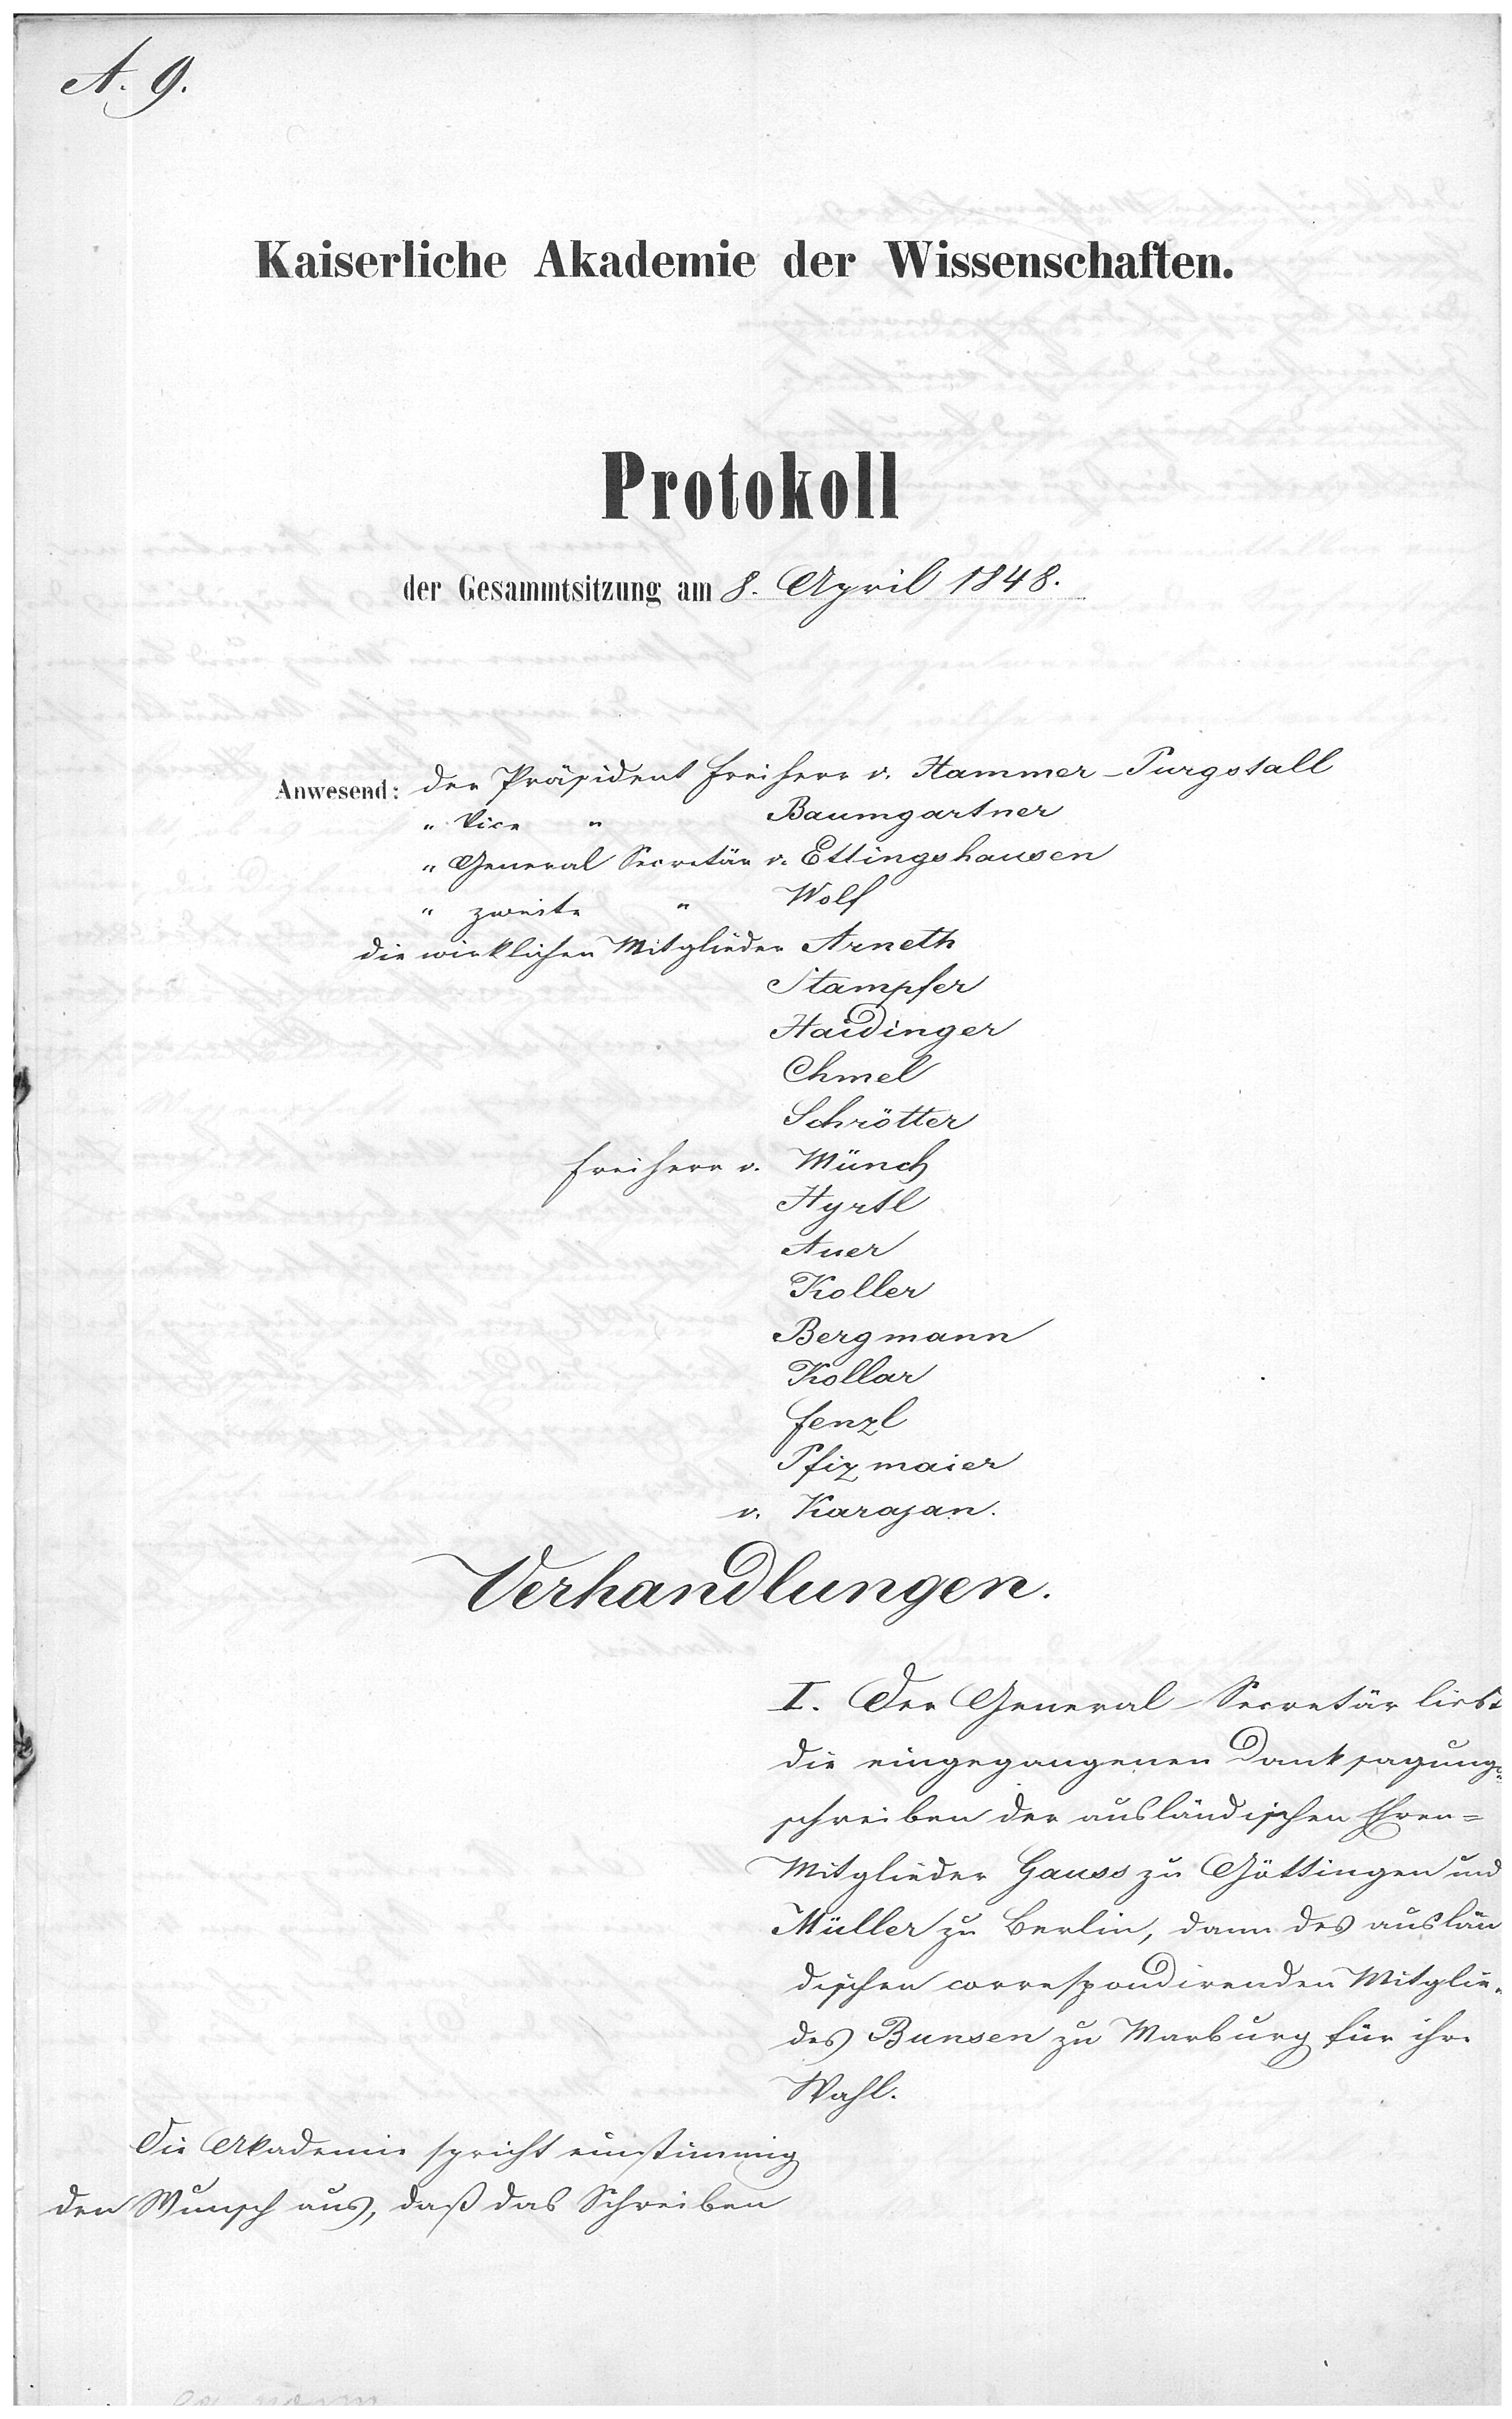A. 9.
Kaiserliche Akademie der Wissenschaften.
Protokoll
der Gesammtsitzung am 8. April 1848.
Anwesend: der Präsident Freiherr v. Hammer-Purgstall
" Vice " Baumgartner
" General Secretär v. Ettingshausen
" zweite " Wolf
die wirklichen Mitglieder Arneth
Stampfer
Haidinger
Chmel
Schrötter
Freiherr v. Münch
Hyrtl
Auer
Koller
Bergmann
Kollar
Fenzl
Pfizmaier
v. Karajan.
Verhandlungen
I. Der General-Secretär liest
die eingegangenen Danksagungs-
schreiben der ausländischen Ehren-
Mitglieder Gauss zu Göttingen und
Müller zu Berlin, dann des auslän-
gischen correspondirenden Mitglie-
des Bunsen zu Marburg für ihre
Wahl.
Die Akademie spricht einstimmig
den Wunsch aus, daß das Schreiben